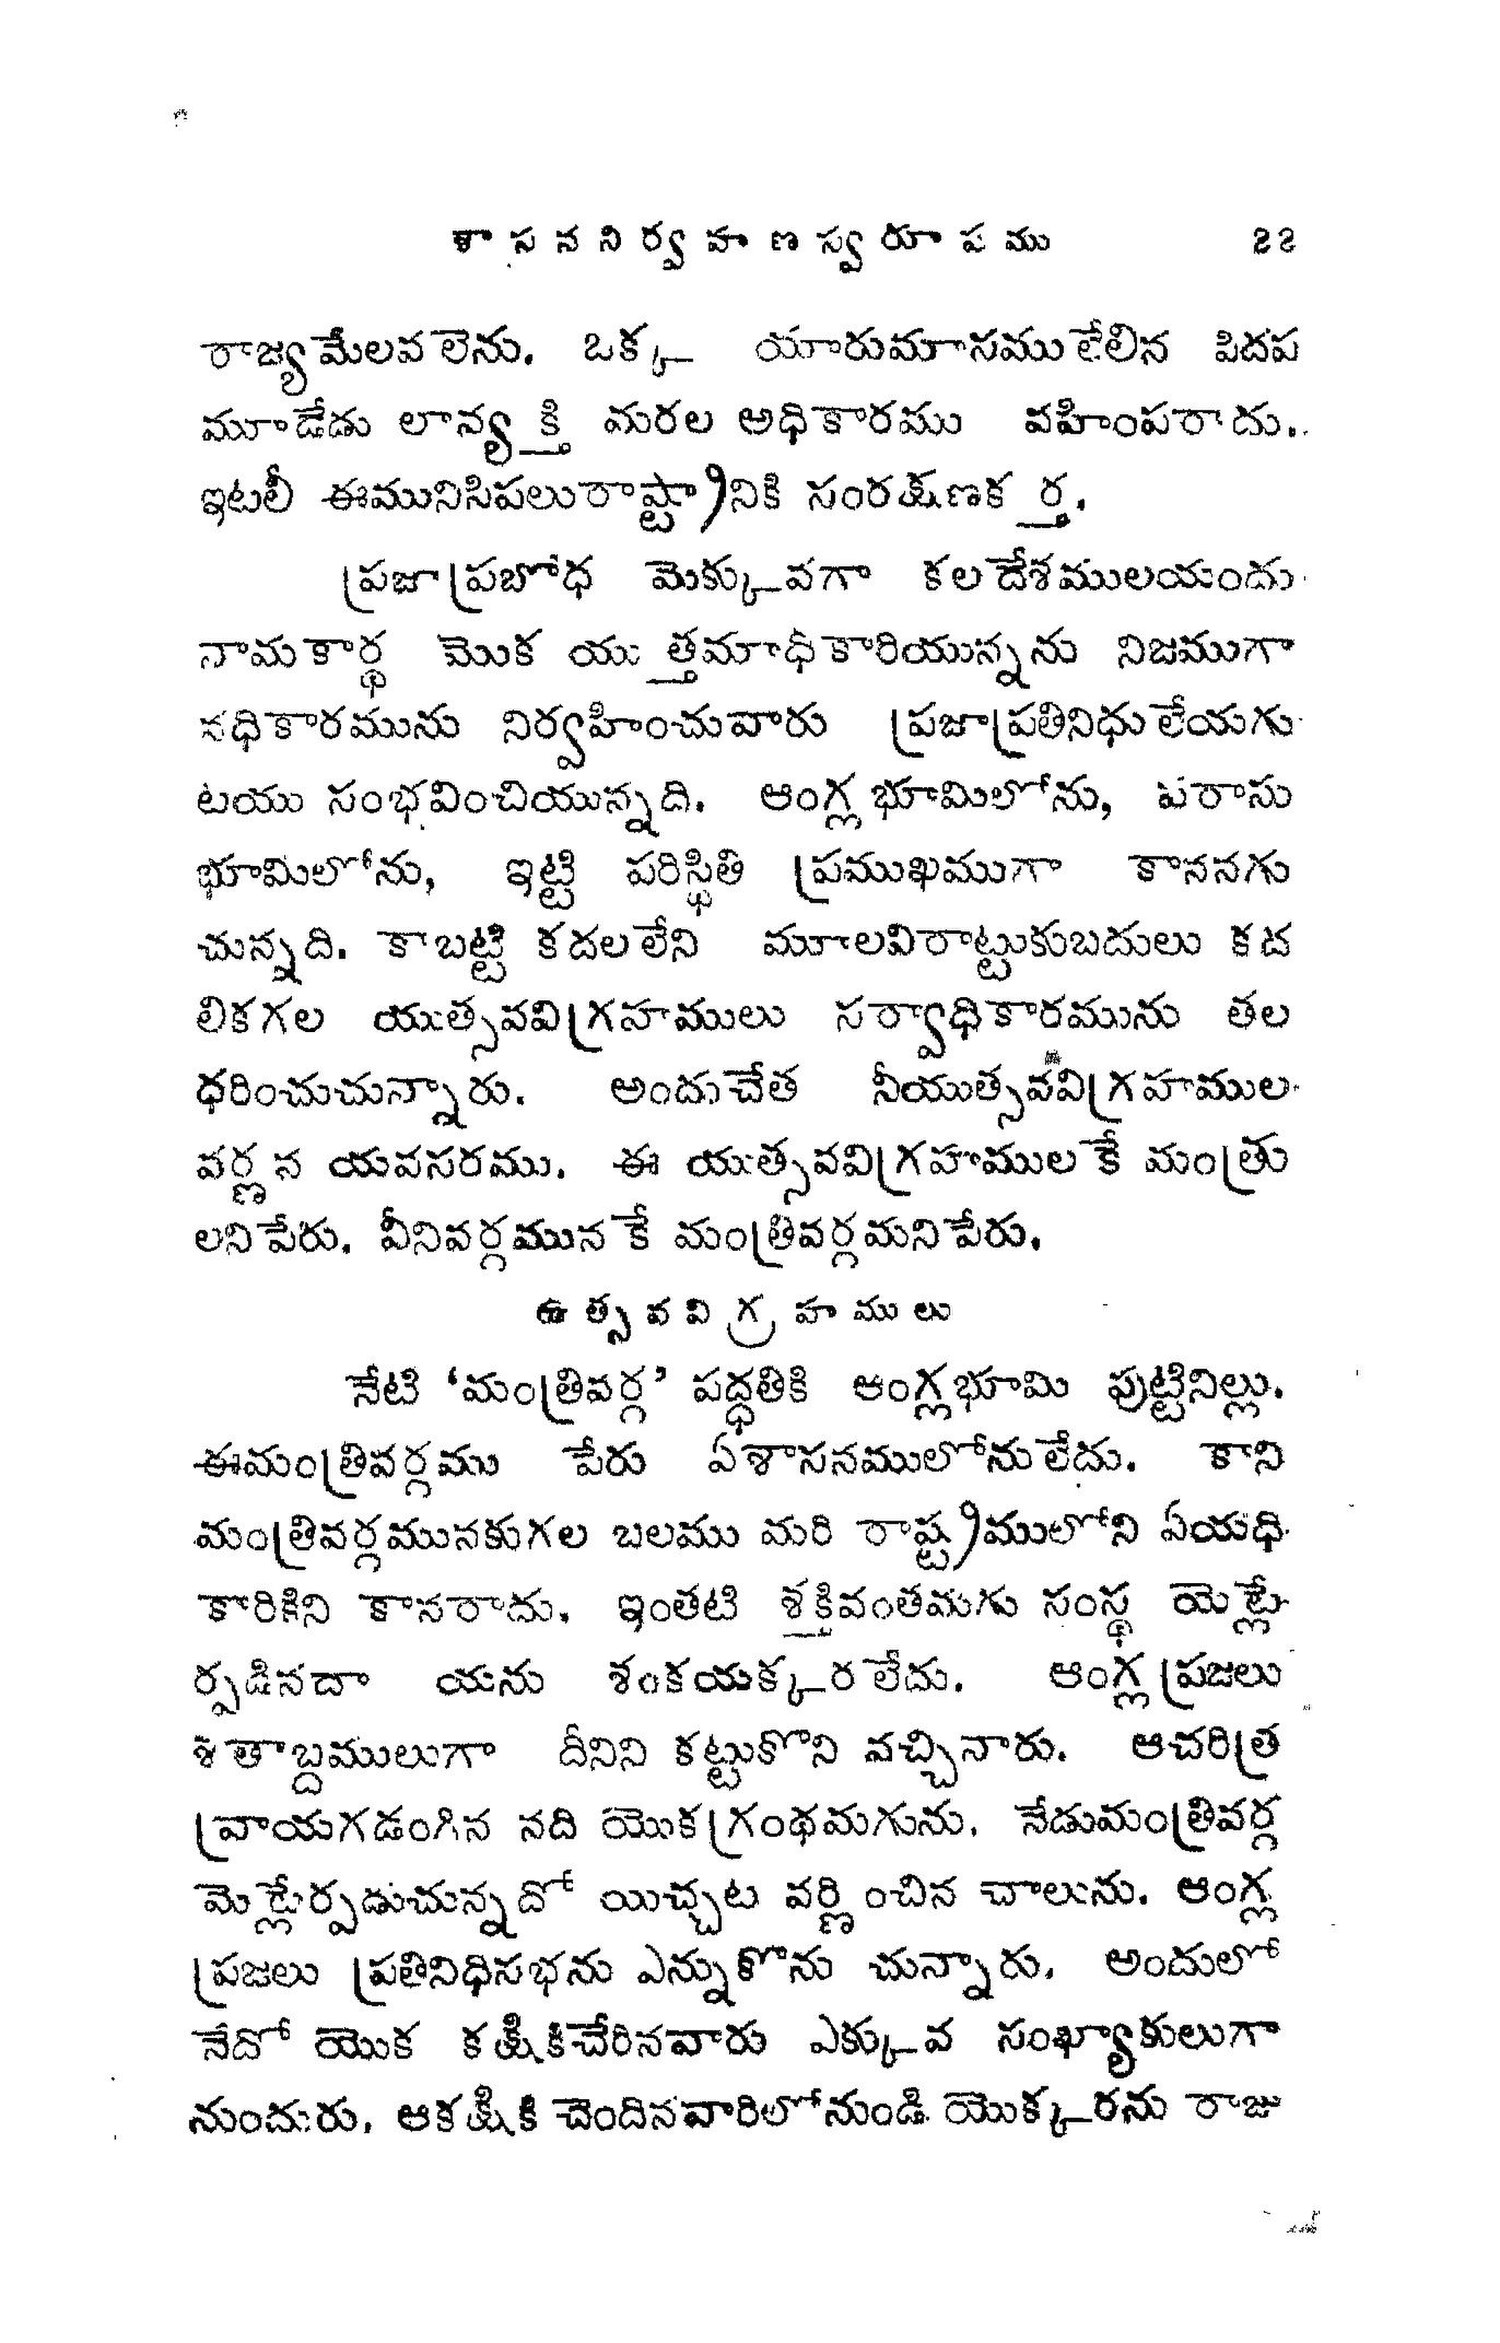రాజ్యమేలవలెను. ఒక్క యారుమాసములేలిన పిదప మూడేడు లావ్యక్తి మరల అధికారము
వహింపరాదు. ఇటలీ ఈమునిసిపలురాష్ట్రానికి సంరక్షణకర్త.

ప్రజాప్రబోధ మెక్కువగా కలదేశములయందు నామకార్థ మొక యుత్తమాధికారియున్నను నిజముగా
నధికారమును నిర్వహించువారు ప్రజాప్రతినిధులేయగుటయు సంభవించియున్నది. ఆంగ్లభూమిలోను, పరాసుభూమిలోను, ఇట్టి పరిస్థితి ప్రముఖముగా కాననగుచున్నది. కాబట్టి కదలలేని మూలవిరాట్టుకుబదులు కదలికగల యుత్సవవిగ్రహములు సర్వాధికారమును తల
ధరించుచున్నారు. అందుచేత నీయుత్సవవిగ్రహముల వర్ణన యవసరము. ఈ యుత్సవవిగ్రహముల కే మంత్రులని పేరు. వీనివర్గమునకే మంత్రివర్గమని పేరు.

నేటి 'మంత్రివర్గ' పద్ధతికి ఆంగ్లభూమి పుట్టినిల్లు. ఈమంత్రివర్గము పేరు ఏశాసనములోనులేదు. కాని
మంత్రివర్గమునకుగల బలము మరి రాష్ట్రములోని ఏయధికారికిని కానరాదు. ఇంతటి శక్తివంతమగు సంస్థ యెట్లేర్పడినదా యను శంకయక్కర లేదు. ఆంగ్లప్రజలు శతాబ్దములుగా దీనిని కట్టుకొని వచ్చినారు. ఆచరిత్ర వ్రాయగడంగిన నది యొకగ్రంథమగును. నేడుమంత్రివర్గ మెట్లేర్పడుచున్నదో యిచ్చట వర్ణించిన చాలును. ఆంగ్ల ప్రజలు ప్రతినిధిసభను ఎన్నుకొను చున్నారు. అందులో నేదో యొక కక్షికిచేరినవారు ఎక్కువ సంఖ్యాకులుగా నుందురు, ఆకక్షికి చెందినవారిలోనుండి యొక్కరను రాజు